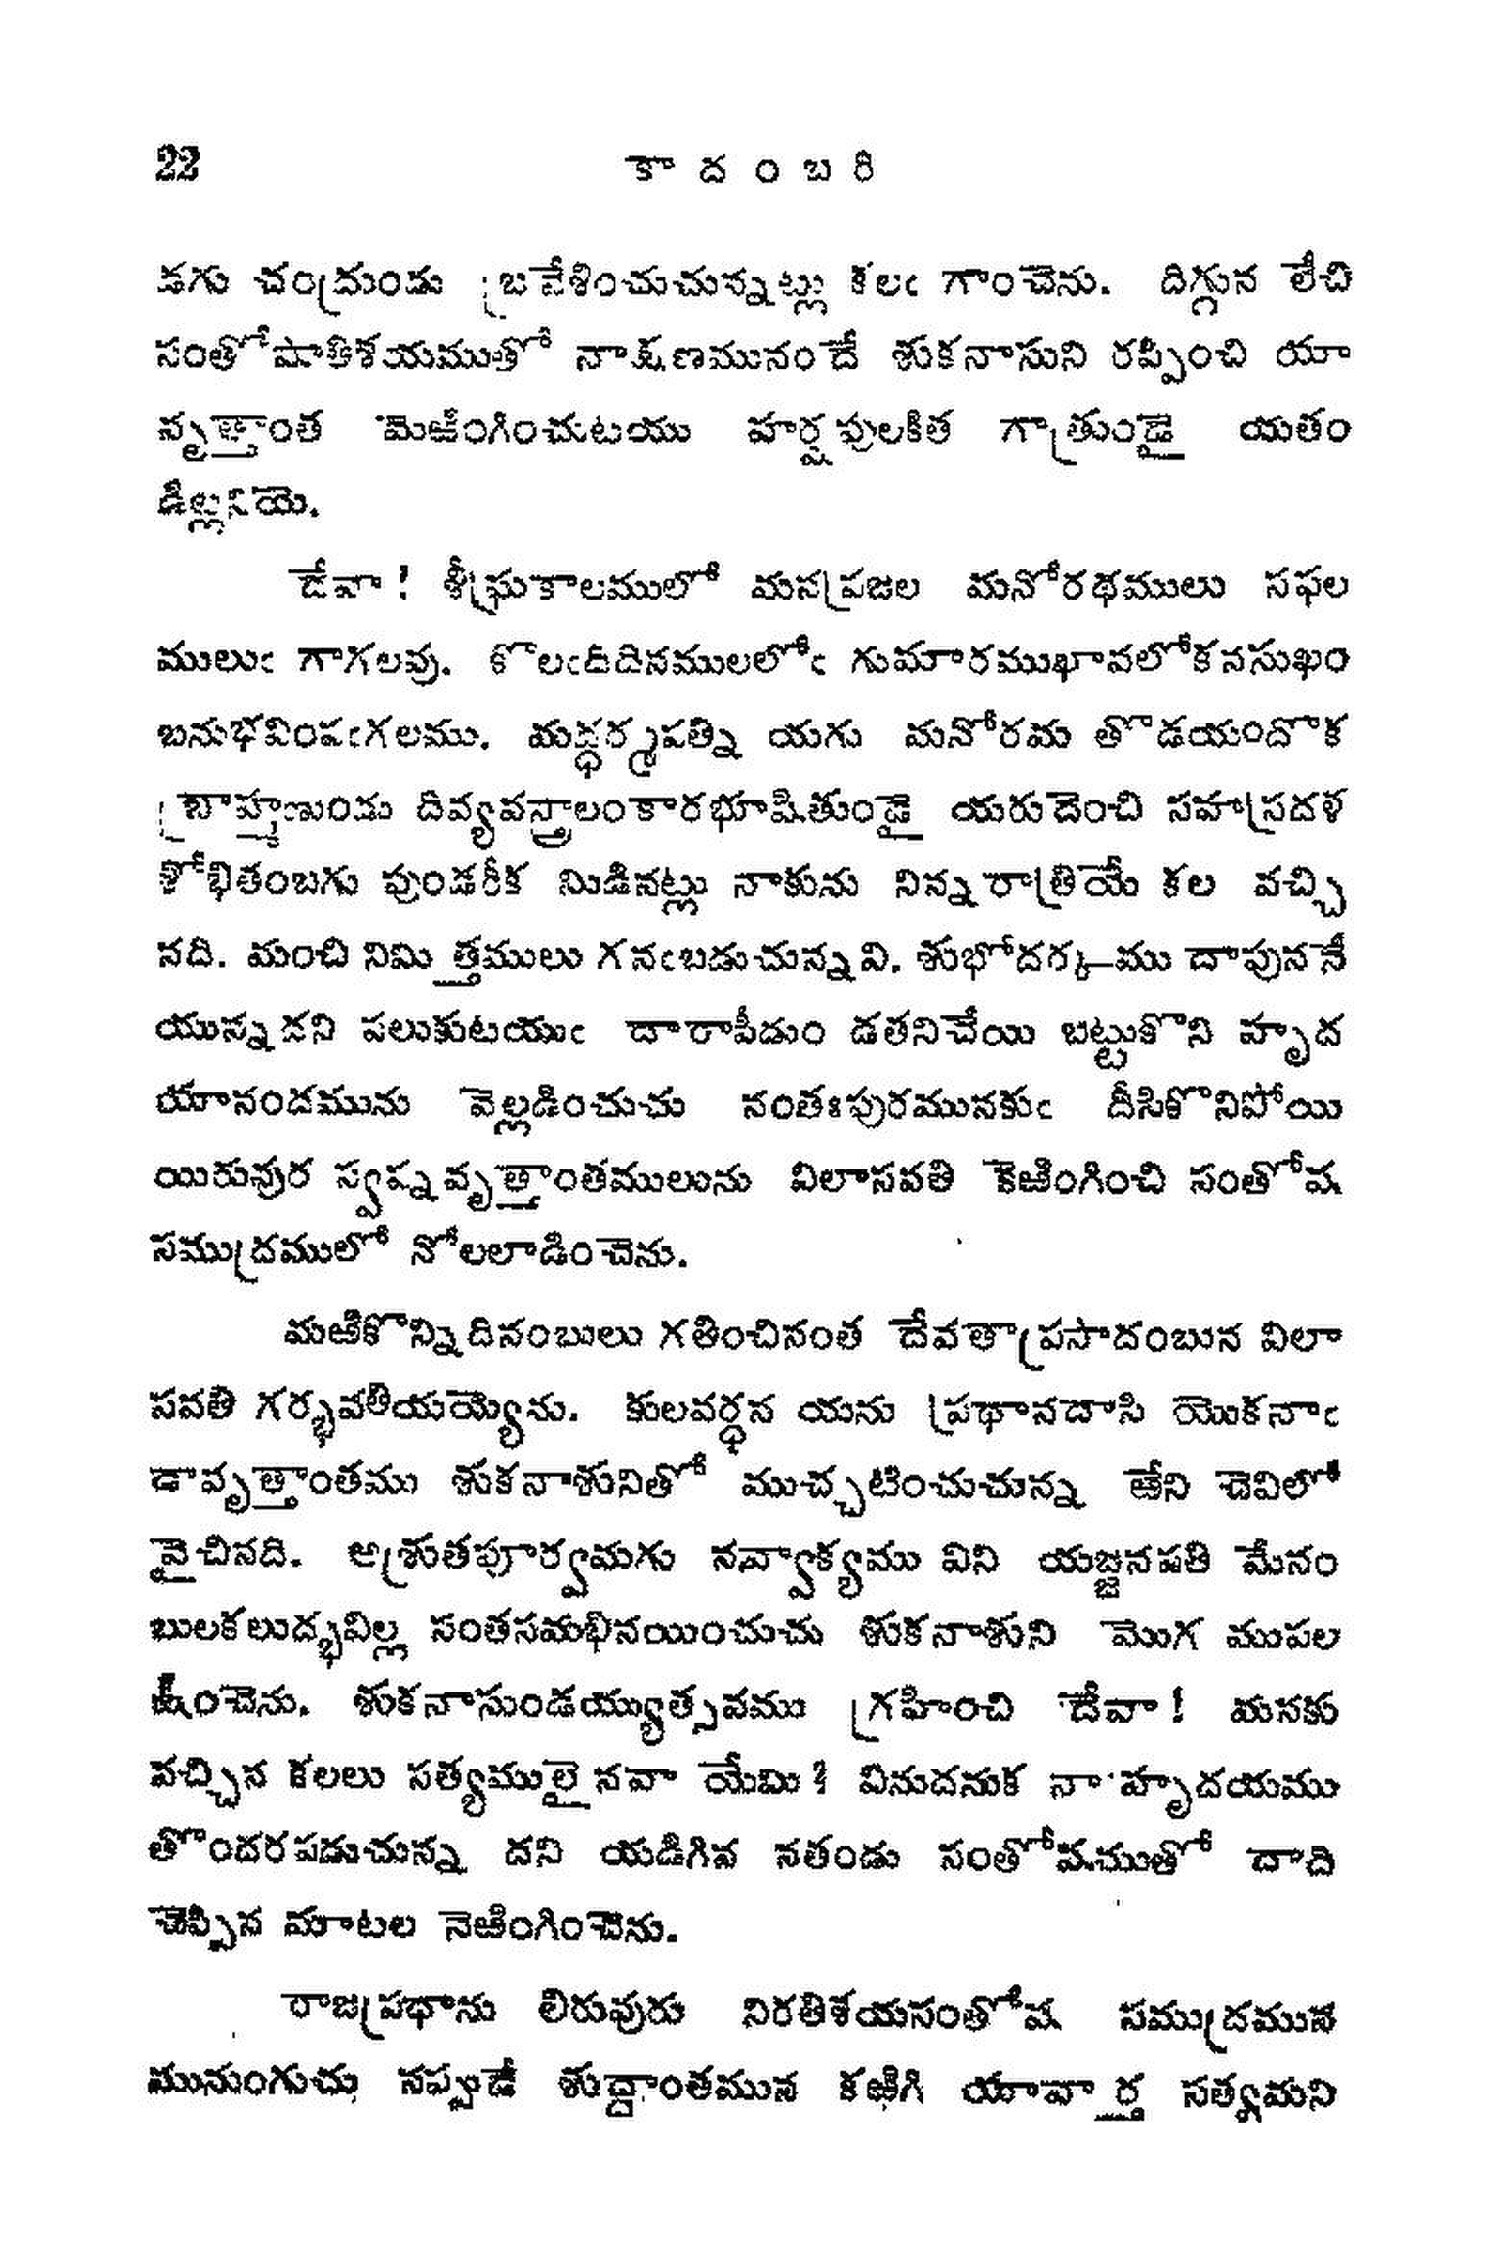డగు చంద్రుడు బ్రవేశించుచున్నట్లు కలఁ గాంచెను. దిగ్గున లేచి సంతోషాతిశయముతో నాక్షణమునందే శుకనాసుని రప్పించి యా వృత్తంత మెఱింగించుటయు హర్షపులకిత గాత్రుండై యతం డిట్లనియె.

దేవా! శీఘ్రకాలములో మనప్రజల మనోరథములు సఫలములుఁ గాగలవు. కొలఁదిదినములలోఁ గుమారముఖావలోకన సుఖంబనుభవింపఁగలము. మద్ధర్మపత్ని యగు మనోరమ తొడయందొక బ్రాహ్మణుండు దివ్యవస్త్రాలంకారభూషితుండై యరుదెంచి సహస్రదళశోభితంబగు పుండరీక మిడినట్లు నాకును నిన్నరాత్రియే కల వచ్చినది. మంచి నిమిత్తములు గనఁబడుచున్నవి. శుభోదర్కము దాపుననే యున్నదని పలుకుటయుఁ దారాపీడుం డతనిచేయి బట్టుకొని హృదయానందమును వెల్లడించుచు నంతఃపురమునకుఁ దీసికొనిపోయి యిరువుర స్వప్నవృత్తాంతములును విలాసవతి కెఱింగించి సంతోష సముద్రములో నోలలాడించెను.

మఱికొన్నిదినంబులు గతించినంత దేవతాప్రసాదంబున విలాసవతి గర్భవతియయ్యెను. కులవర్ధన యను ప్రథానదాసి యొకనాఁడావృత్తాంతము శుకనాశునితో ముచ్చటించుచున్న ఱేని చెవిలో వైచినది. అశ్రుతపూర్వమగు నవ్వాక్యము విని యజ్జనపతి మేనంబులకలుద్భవిల్ల సంతసమభినయించుచు శుకనాశుని మొగ ముపలక్షించెను. శుకనాసుండయ్యుత్సవము గ్రహించి దేవా! మనకు వచ్చిన కలలు సత్యములైనవా యేమి? వినుదనుక నా హృదయము తొందరపడుచున్న దని యడిగిన నతండు సంతోషముతో దాది చెప్పిన మాటల నెఱింగించెను.

రాజప్రధాను లిరువురు నిరతిశయసంతోష సముద్రమున మునుంగుచు నప్పుడే శుద్దాంతమున కఱిగి యావార్త సత్యమని